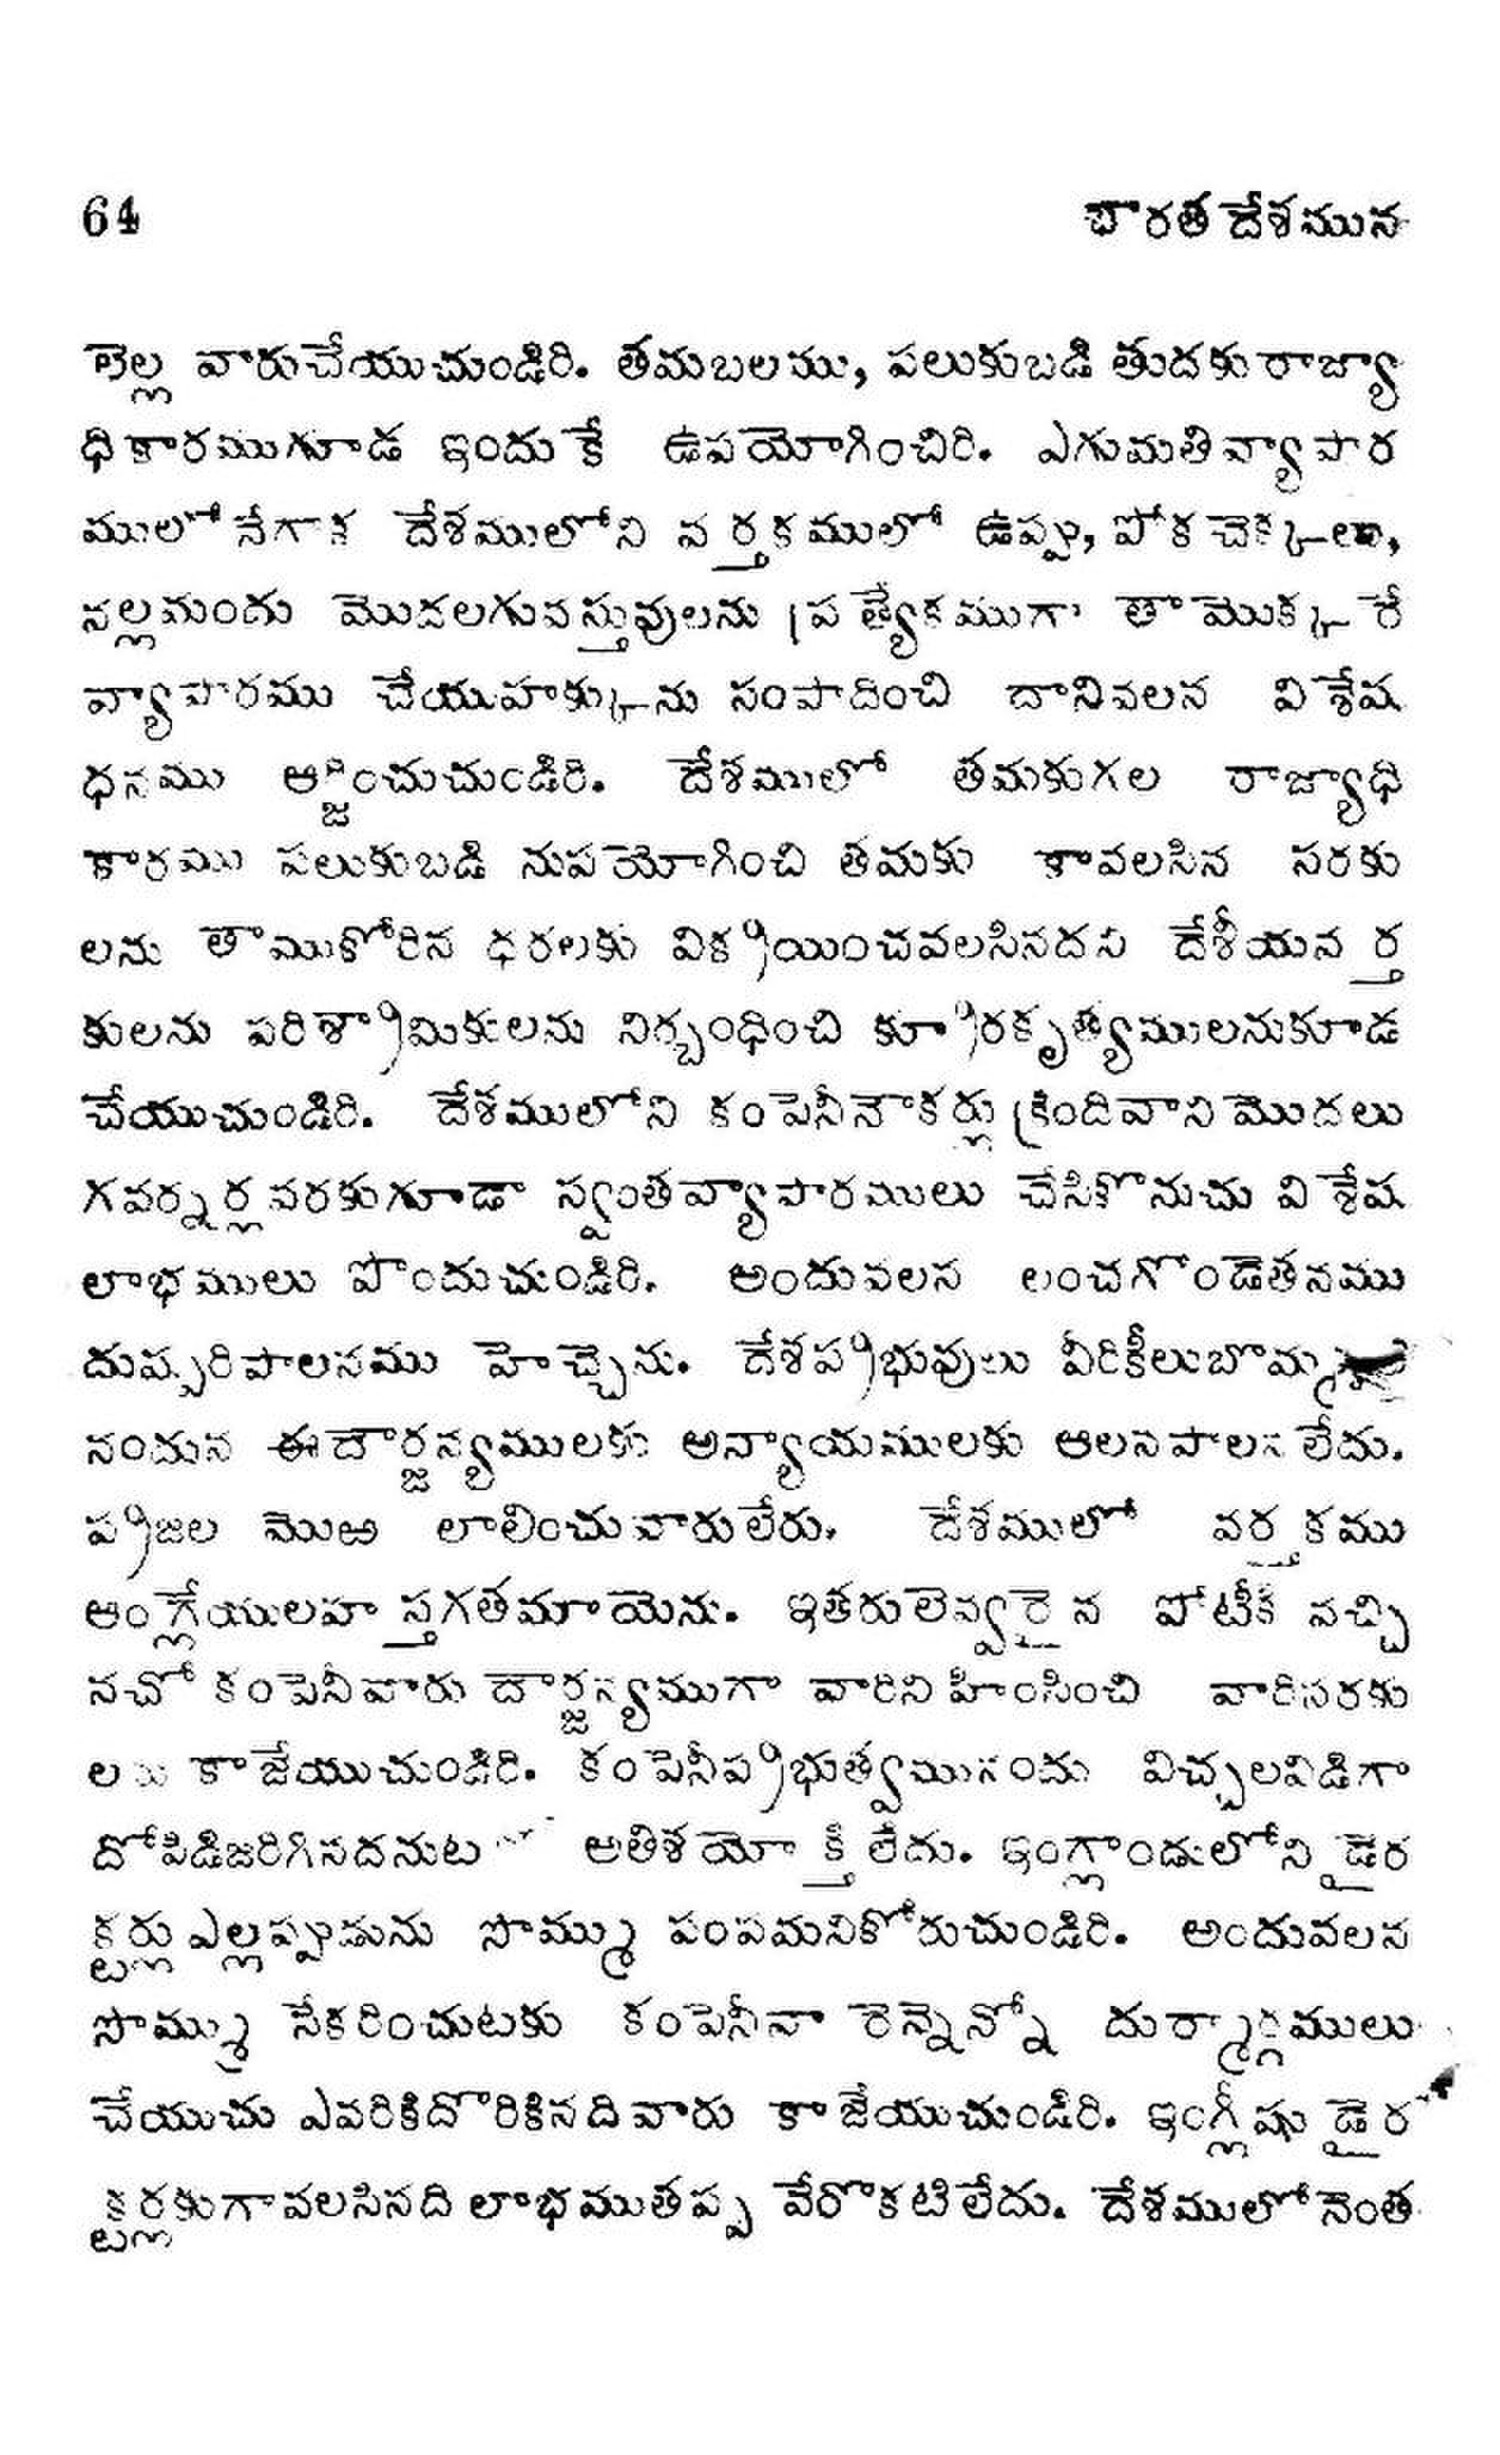లెల్ల వారుచేయుచుండిరి. తమబలము, పలుకుబడి తుదకు రాజ్యాధికారముగూడ ఇందుకే ఉపయోగించిరి. ఎగుమతివ్యాపారములోనేగాక దేశములోని వర్తకములో ఉప్పు, పోకచెక్కలు, నల్లమందు మొదలగువస్తువులను ప్రత్యేకముగా తామొక్కరే వ్యాపారము చేయుహక్కును సంపాదించి దానివలన విశేషధనము ఆర్జించుచుండిరి. దేశములో తమకుగల రాజ్యాధికారము పలుకుబడి నుపయోగించి తమకు కావలసిన సరకులను తాముకోరిన ధరలకు విక్రయించవలసినదని దేశీయవర్తకులను పారిశ్రామికులను నిర్బంధించి క్రూరకృత్యములనుకూడ చేయుచుండిరి. దేశములోని కంపెనీనౌకర్లు క్రిందివానిమొదలు గవర్నర్లవరకుగూడా స్వంతవ్యాపారములు చేసికొనుచు విశేషలాభములు పొందుచుండిరి. అందువలన లంచగొండెతనము దుప్పరిపాలనము హెచ్చెను. దేశప్రభువులు వీరికీలుబొమ్మలై నందున ఈ దౌరన్యములకు అన్యాయములకు ఆలనపాలనలేదు. ప్రజల మొఱ లాలించువారులేరు. దేశములో వర్తకము ఆంగ్లేయులహస్తగతమాయెను. ఇతరులెవ్వరైన పోటీకి వచ్చినచో కంపెనీవారు దౌర్జన్యముగా వారినిహింసించి వారిసరకులను కాజేయుచుండిరి. కంపెనీప్రభుత్వమునందు. విచ్చలవిడిగా దోపిడిజరిగినదనుటలో అతిశయోక్తిలేదు. ఇంగ్లాండులోని డైరక్టర్లు ఎల్లప్పుడును సొమ్ము పంపమనికోరుచుండిరి. అందువలన సొమ్ము సేకరించుటకు కంపెనీవా రెన్నెన్నో దుర్మార్గములు చేయుచు ఎవరికిదొరికినదివారు కాజేయుచుండిరి. ఇంగ్లీషు డైరక్టర్లకుగావలసినది లాభముతప్ప వేరొకటిలేదు. దేశములోనెంత